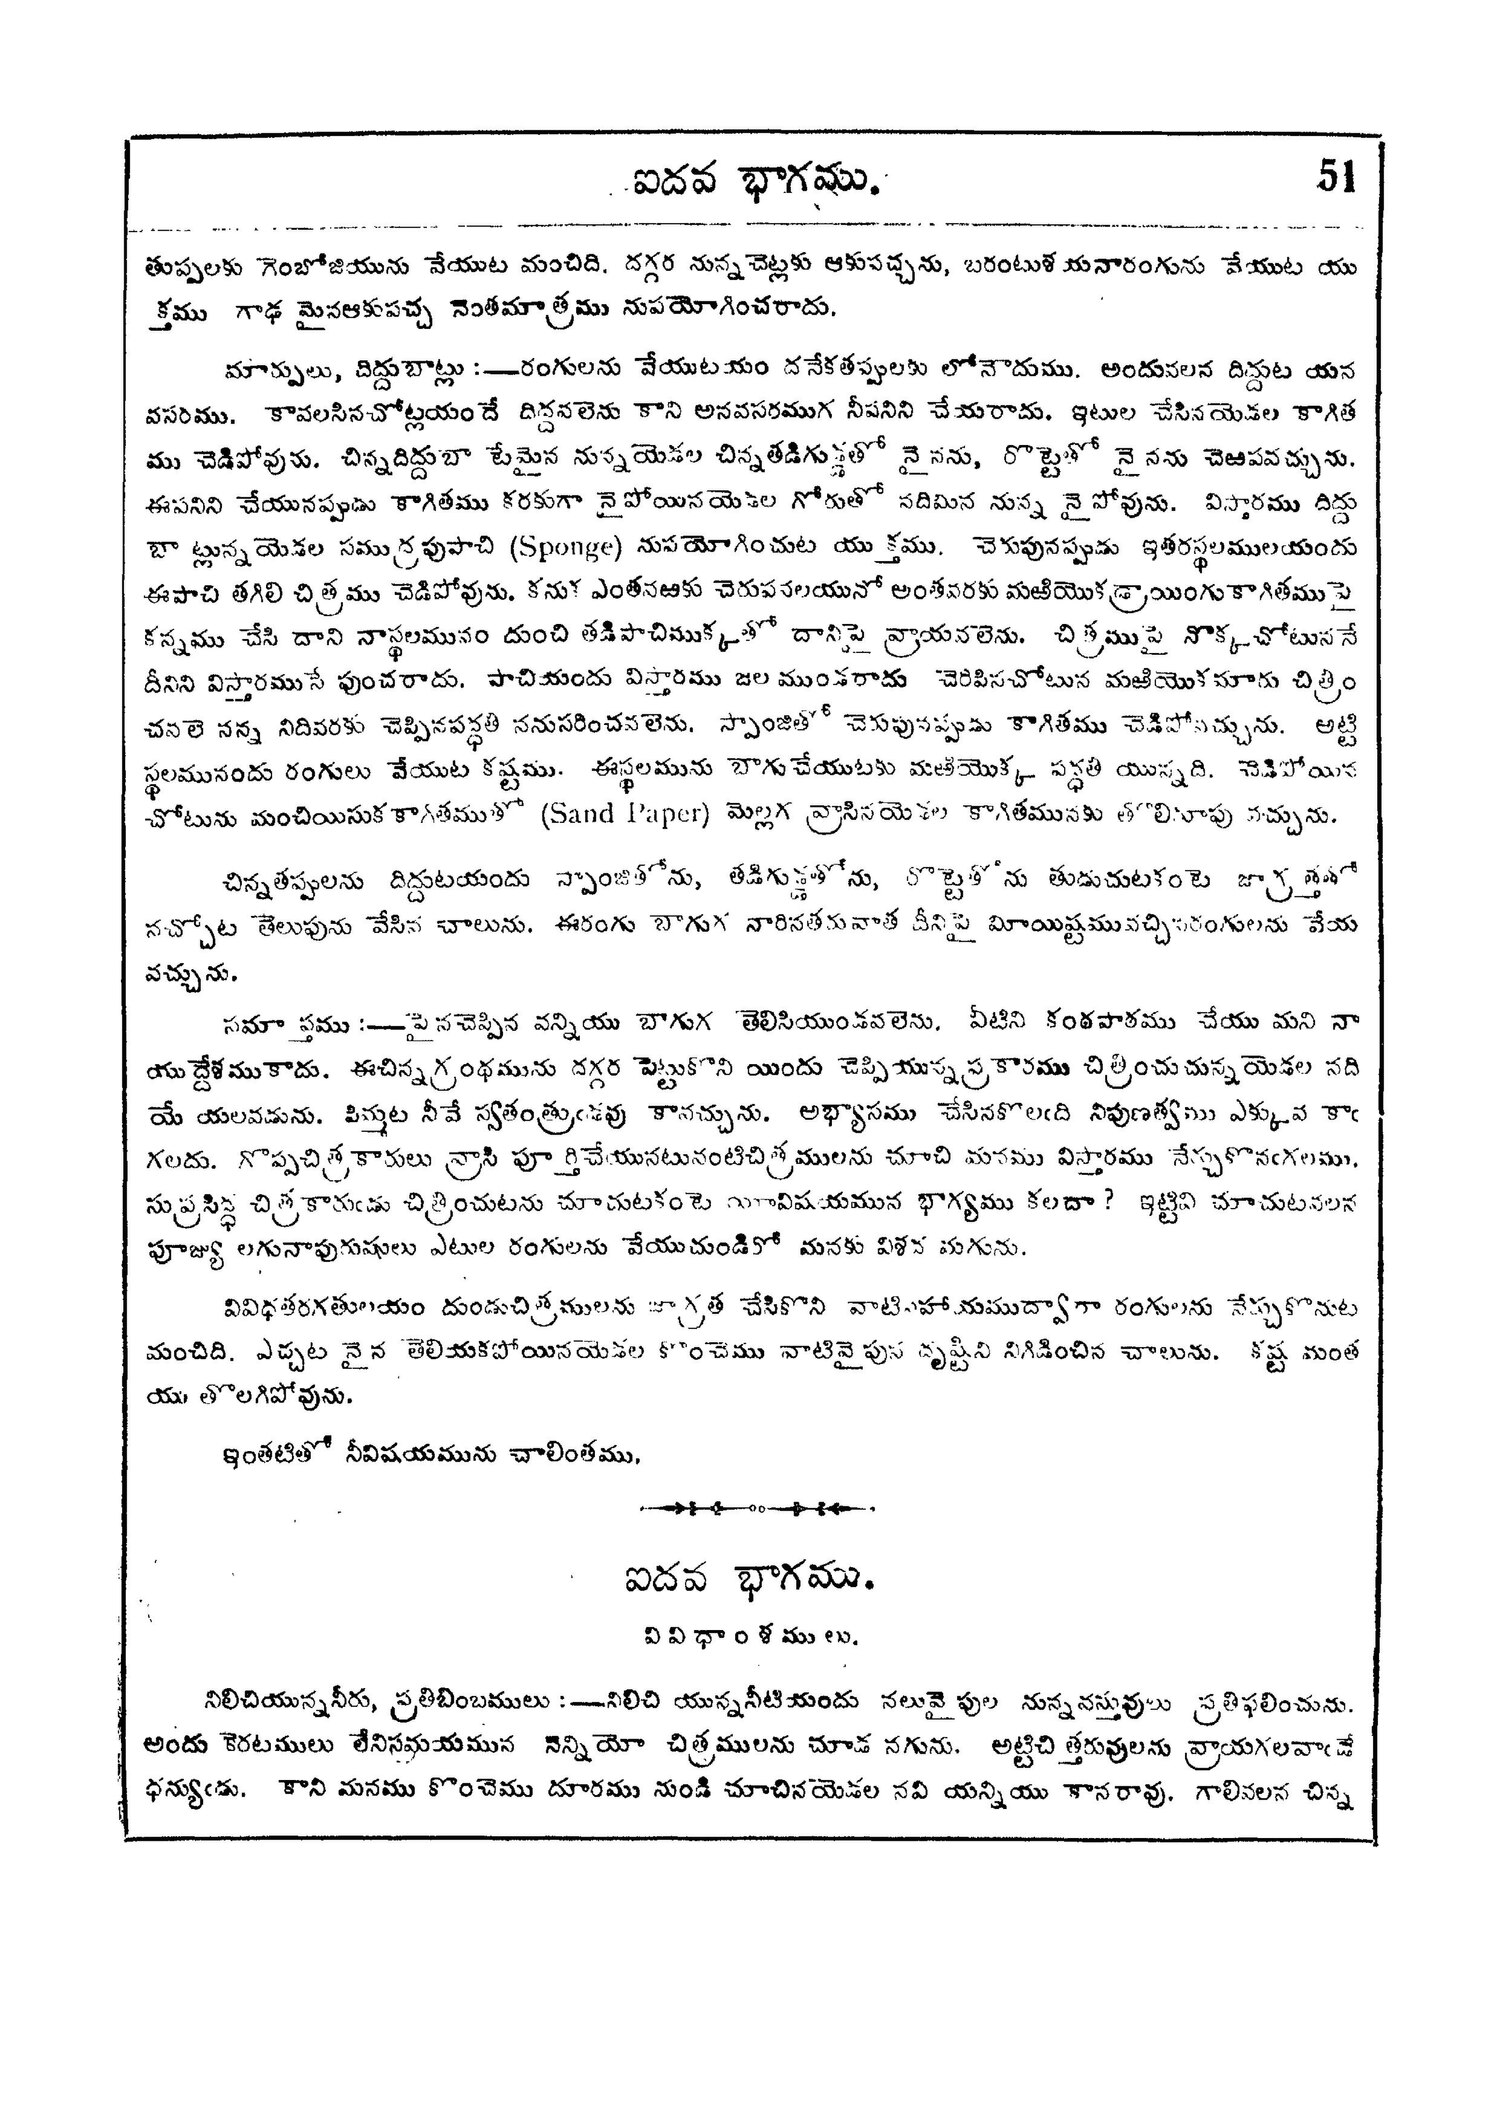తుప్పలకు గెంబోజియును వేయుట మంచిది. దగ్గర నున్నచెట్లకు ఆకుపచ్చను, బరంటు శయనారంగును వేయుట యుక్తము. గాడ మైనఆకుపచ్చ నెంతమాత్రము నుపయోగించరాదు.

మార్పులు, దిద్దుబాట్లు:- రంగులను వేయుటయం దనేకతప్పులకు లోనౌదుము. అందువలన దిద్దుట యనవసరము. కావలసినచోట్లయందే దిద్దవలెను కాని అనవసరముగ నీపనిని చేయరాదు. ఇటుల చేసినయెడల కాగితము చెడిపోవును. చిన్నదిద్దుబా టేమైన నున్నయెడల చిన్నతడిగుడ్డతో నైనను, రొట్టెతో నైనను చెఱపవచ్చును. ఈపనిని చేయునప్పుడు కాగితము కరకుగా నైపోయినయెడల గోరుతో నదిమిన నున్న నైపోవును. విస్తారము దిద్దుబా ట్లున్నయెడల సముద్రపుపాచి (Sponge) నుపయోగించుట యుక్తము. చెరుపునప్పుడు ఇతరస్థలములయందు ఈపాచి తగిలి చిత్రము చెడిపోవును. కనుక ఎంతవఱకు చెరుపవలయునో అంతవరకు మఱియొకడ్రాయింగు కాగితముపై కన్నము చేసి దాని స్థలమునం దుంచి తడిపాచిముక్కతో దానిపై వ్రాయవలెను. చిత్రముపై నొక్కచోటుననే దీనిని విస్తారముసే పుంచరాదు. పాచియందు విస్తారము జల ముండరాదు. చెరిపిన చోటున మఱియొకమారు చిత్రించవలె నన్న నిదివరకు చెప్పినపద్ధతి ననుసరించవలెను. స్పాంజితో చెరుపునప్పుడు కాగితము చెడిపోవచ్చును. అట్టి స్థలమునందు రంగులు వేయుట కష్టము. ఈస్థలమును బాగుచేయుటకు మఱియొక్క పద్ధతి యున్నది. చెడిపోయిన చోటును మంచియిసుకకాగితముతో (Sand Paper) మెల్లగ వ్రాసినయెడల కాగితమునకు తొలిరూపు వచ్చును.

చిన్నతప్పులను దిద్దుటయందు స్పాంజితోను, తడిగుడ్డతోను, రొట్టెతోను తుడుచుటకంటె జాగ్రత్తతోనచ్చోట తెలుపును వేసిన చాలును. ఈరంగు బాగుగ నారినతరువాత దీనిపై మీయిష్టమువచ్చినరంగులను వేయవచ్చును.

సమాప్తము:- పైనచెప్పిన వన్నియు బాగుగ తెలిసియుండవలెను. వీటిని కంఠపాఠము చేయు మని నా యుద్దేశముకాదు. ఈచిన్నగ్రంథమును దగ్గర పెట్టుకొని యిందు చెప్పియున్నప్రకారము చిత్రించుచున్నయెడల నదియే యలవడును. పిమ్మట నీవే స్వతంత్రుడవు కావచ్చును. అభ్యాసము చేసినకొలది నిపుణత్వము ఎక్కువ కాగలదు. గొప్పచిత్రకారులు వ్రాసి పూర్తిచేయునటువంటి చిత్రములను చూచి మనము విస్తారము నేర్చుకొనగలము. సుప్రసిద్ధ చిత్రకారుడు చిత్రించుటను చూచుటకంటె యీవిషయమున భాగ్యము కలదా?ఇట్టివి చూచుటవలన పూజ్యు లగునాపురుషులు ఎటుల రంగులను వేయుచుండిరో మనకు విశదమగును.

వివిధతరగతులయం దుండుచిత్రములను జాగ్రత్త చేసికొని వాటిసహాయముద్వారా రంగులను నేర్చుకొనుట మంచిది. ఎచ్చట నైన తెలియకపోయినయెడల కొంచెము వాటివైపున దృష్టిని నిగిడించిన చాలును. కష్ట మంతయు తొలగిపోవును.

ఇంతటితో నీవిషయము చాలింతము.

నిలిచియున్ననీరు, ప్రతిబింబములు:- నిలిచి యున్ననీటియందు నలువైపుల నున్నవస్తువులు ప్రతిఫలించును. అందు కెరటములు లేనిసమయమున నెన్నియో చిత్రములను చూడ నగును. అట్టిచిత్తరువులను వ్రాయగలవాడే ధన్యుడు. కాని మనము కొంచెము దూరము నుండి చూచినయెడల నవి యన్నియు కానరావు. గాలివలన చిన్న